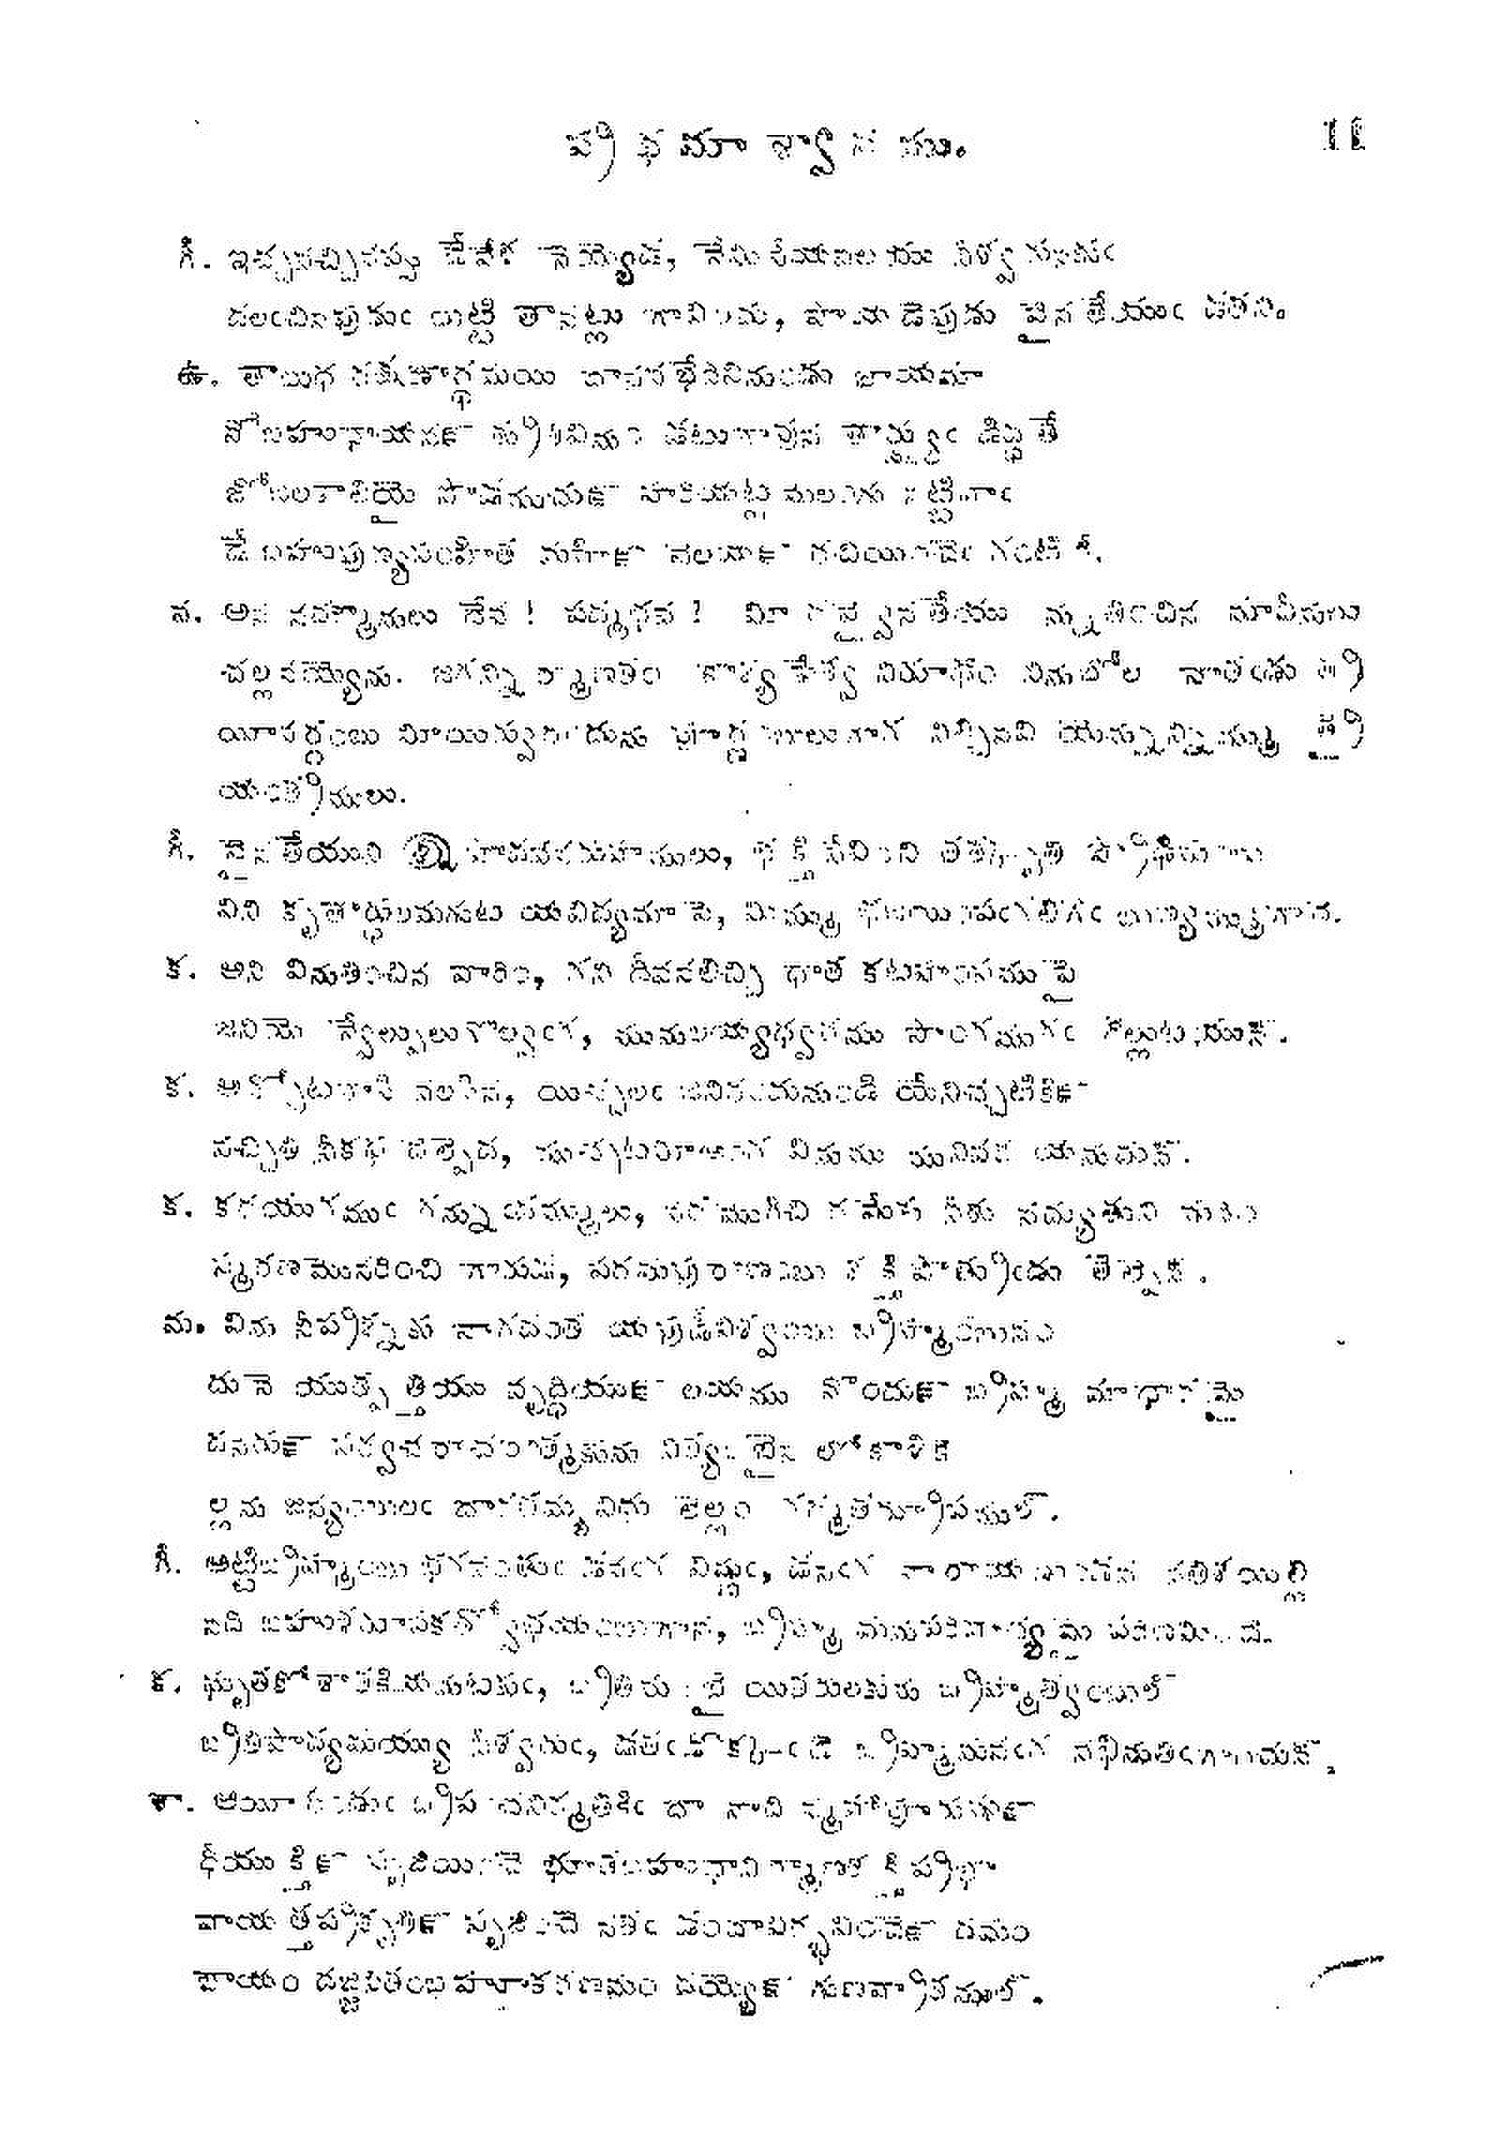గీ. ఇచ్చవచ్చినప్పు డేవేళ నెయ్యెడ, నేమి సేయవలయు నీశ్వరునకుఁ
 దలఁచినపుడుఁ బుట్టి తానట్లు గావించు, పాయ డెపుడు వైనతేయుఁ డతని.
ఉ. తాబుధరక్షణార్థమయి దానవభేదినినుండు జాయమా
 నోబహుధాయనన్ శ్రుతివినుం డటుగావున తార్క్ష్యుఁ డిద్ధ తే
 జోబలశాలియై పొడముచున్ హరియట్ల మలంగు నట్టివాఁ
 డే బహుపుణ్యసంహిత మహిన్ వెలయన్ రచియించెఁ గంటివే.
వ. అన నమ్మౌనులు దేవ! పద్మభవ! మీ రవ్వైనతేయు న్నుతించిన మావీనులు
 చల్లనయ్యెను. జగన్నిర్మాణతం కాశ్యపేత్వ నిరూఢం నినుబోల నాతఁడు త్ర
 యీవర్గంబు మీరిర్వురందును పూర్ణంబులుగాగ నిల్చినవి యెన్నున్నిమ్ము త్రై
 యంత్రములు.
గీ. వైనతేయుని శ్రీపాదవనరుహములు, భక్తి సేవించి తత్కృతి ప్రౌఢిమంబు
 విని కృతార్థుల మగుట యవిద్యమాసె, మిమ్ము భజియింపఁగలిగినఁ బుణ్యమ్ము గాదె.
క. అని వినుతించిన వారిం, గని దీవనలిచ్చి ధాత కలహంసముపై
 జనియె న్వేల్పులు గొల్వఁగ, మునులయ్యధ్వరము సాంగముగఁ గల్గుటయున్.
క. అచ్చోట వాసి నలసిన, యిచ్చలఁ జనిరందునుండి యేనిచ్చటికిన్
 వచ్చితి నీకథ దెల్పెద, ముచ్చటమీఱంగ వినుము మునివర యనుచున్.
క. కరయుగముఁ గన్నుఁదమ్ములు, నర ముగిచి రమేశు నీశు నచ్యుతుని మదిం
 స్మరణ మొనరించి గారుడ, పరమపురాణంబు శక్తిపాత్రుఁడు తెల్పెన్.
మ. విను మీప్రశ్నకు నాగదంత యపుడీవిశ్వంబు బ్రహ్మంబునం
 దునె యుత్పత్తియు వృద్ధియున్ లయము నొందున్ బ్రహ్మ మాధారమై
 దనరున్ సర్వచరాచరాత్మకును నిత్యంబైన లోకాళికె
 ల్లను జన్యంబులఁ దారతమ్యవిధు లెల్లం గర్మతద్రూపముల్.
గీ. అట్టిబ్రహ్మంబు భగవంతుఁ డనఁగ విష్ణు, డనఁగ నారాయణుండన నతిశయిల్లి
 ఇది బహుళరూపకత్వాభయంబుగాన, బ్రహ్మ మనుపరిదాత్యమై పరిణమించె.
క. ఘృతకోశాతకి నుదుటకుఁ, బ్రతిమంబై యితరులకును బ్రహ్మత్వంబుల్
 బ్రతిపాద్యమయ్యు నీశ్వరుఁ, డతంఁ డొక్కఁడ బ్రహ్మమనఁగ నభినుతిఁగాంచున్.
శా. ఆయీశుండు బ్రపంచనిర్మతికిఁ దా నాది న్మహాపూరుషున్
 ధీయుక్తిన్ సృజియించె భూతబహుధానిర్మాణశక్తిప్రభా
 వాయత్తప్రకృతిన్ సృజించె నతఁ డందావిర్భవించన్ దమం
 బాయం దజ్జనితంబహూకరణమం దయ్యెన్ గుణవ్రాతముల్.